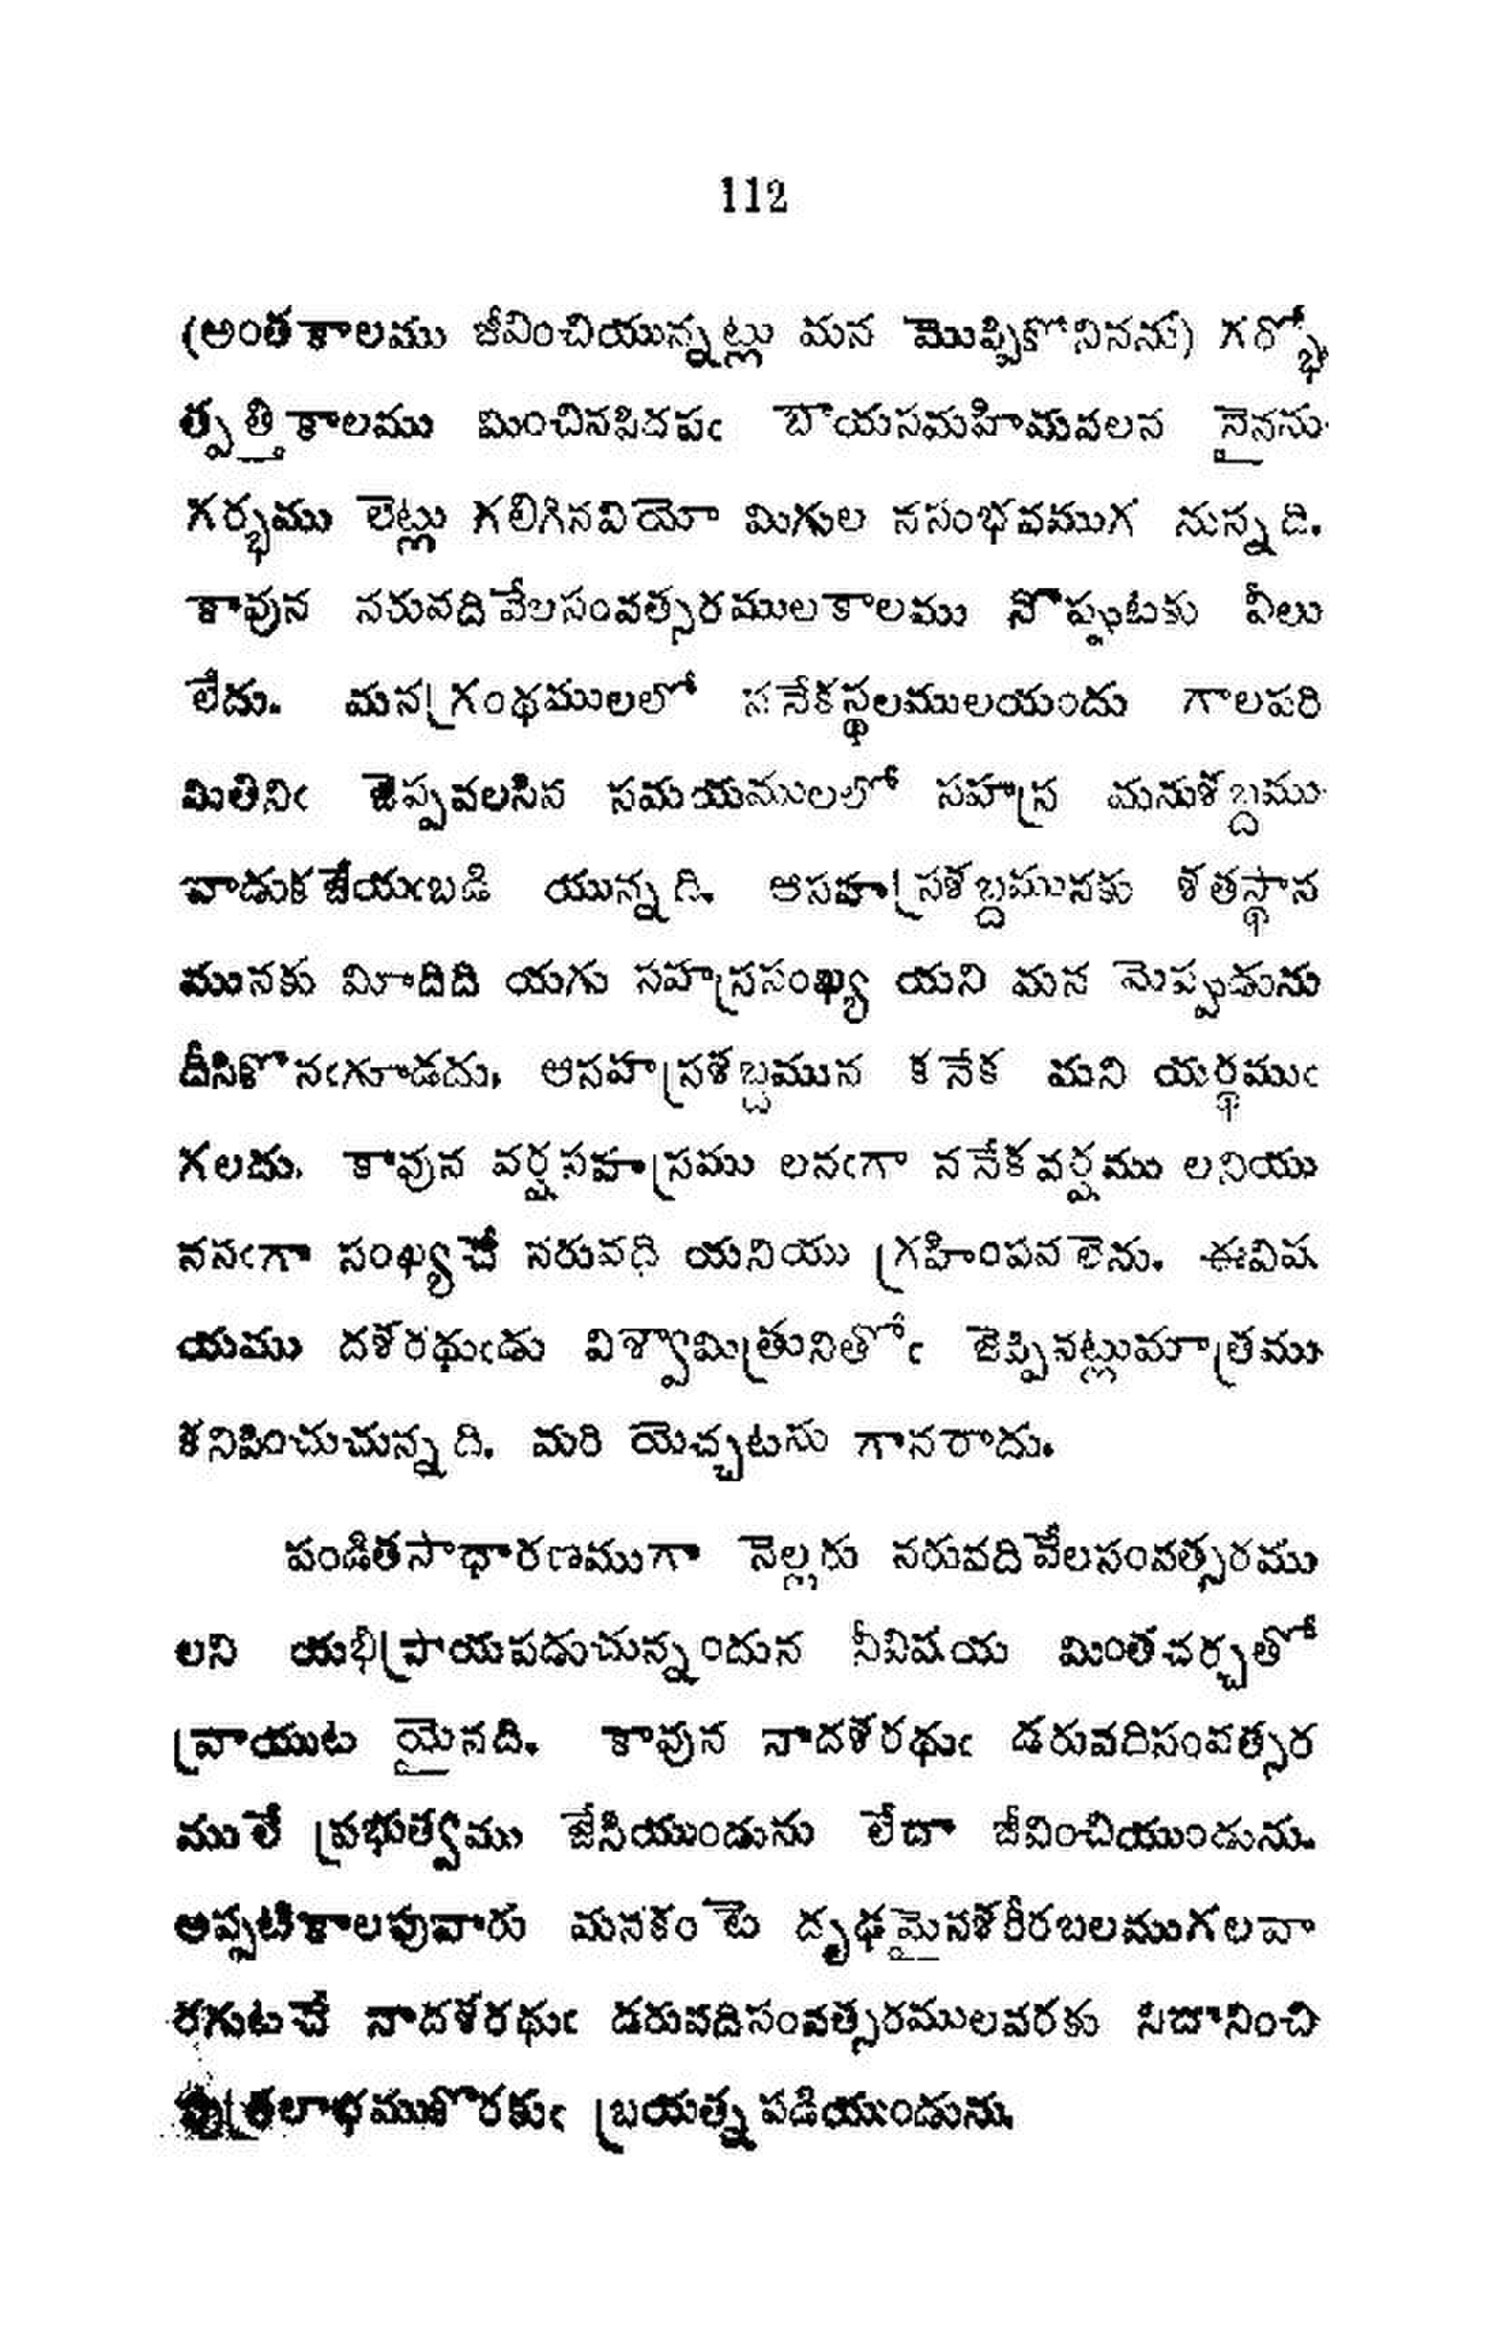(అంతకాలము జీవించియున్నట్లు మన మొప్పికొనినను) గర్భోత్పత్తికాలము మించినపిదపఁ బాయస మహిమవలన నైనను గర్భము లెట్లు గలిగినవియో మిగుల నసంభవముగ నున్నది. కావున నరువది వేలసంవత్సరములకాలము నొప్పుటకు వీలు లేదు. మనగ్రంథములలో ననేకస్థలములయందు గాలపరిమితినిఁ జెప్పవలసిన సమయములలో సహస్ర మనుశబ్దము వాడుకజేయఁబడి యున్నది. ఆసహస్రశబ్దమునకు శతస్థానమునకు మీదిది యగు సహస్రసంఖ్య యని మన మెప్పుడును
దీసికొనఁగూడదు. ఆసహస్రశబ్దమున కనేక మని యర్ధముఁ గలదు. కావున వర్షసహస్రము లనఁగా ననేకవర్షము లనియు ననఁగా సంఖ్యచే నరువది యనియు గ్రహింపవలెను. ఈవిషయము దశరథుఁడు విశ్వామిత్రునితోఁ జెప్పినట్లుమాత్రము కనిపించుచున్నది. మరి యెచ్చటను గానరాదు.

పండితసాధారణముగా నెల్లరు నరువదివేలసంవత్సరములని యభిప్రాయపడుచున్నందున నీవిషయ మింతచర్చతో వ్రాయుట యైనది. కావున నాదశరథుఁ డరువదిసంవత్సరములే ప్రభుత్వము జేసియుండును లేదా జీవించియుండును. అప్పటికాలపువారు మనకంటె దృఢమైనశరీరబలము గలవారగుటచే నాదశరథుఁ డరువదిసంవత్సరములవరకు నిదానించి పుత్రలాభముకొరకుఁ బ్రయత్నపడియుండును